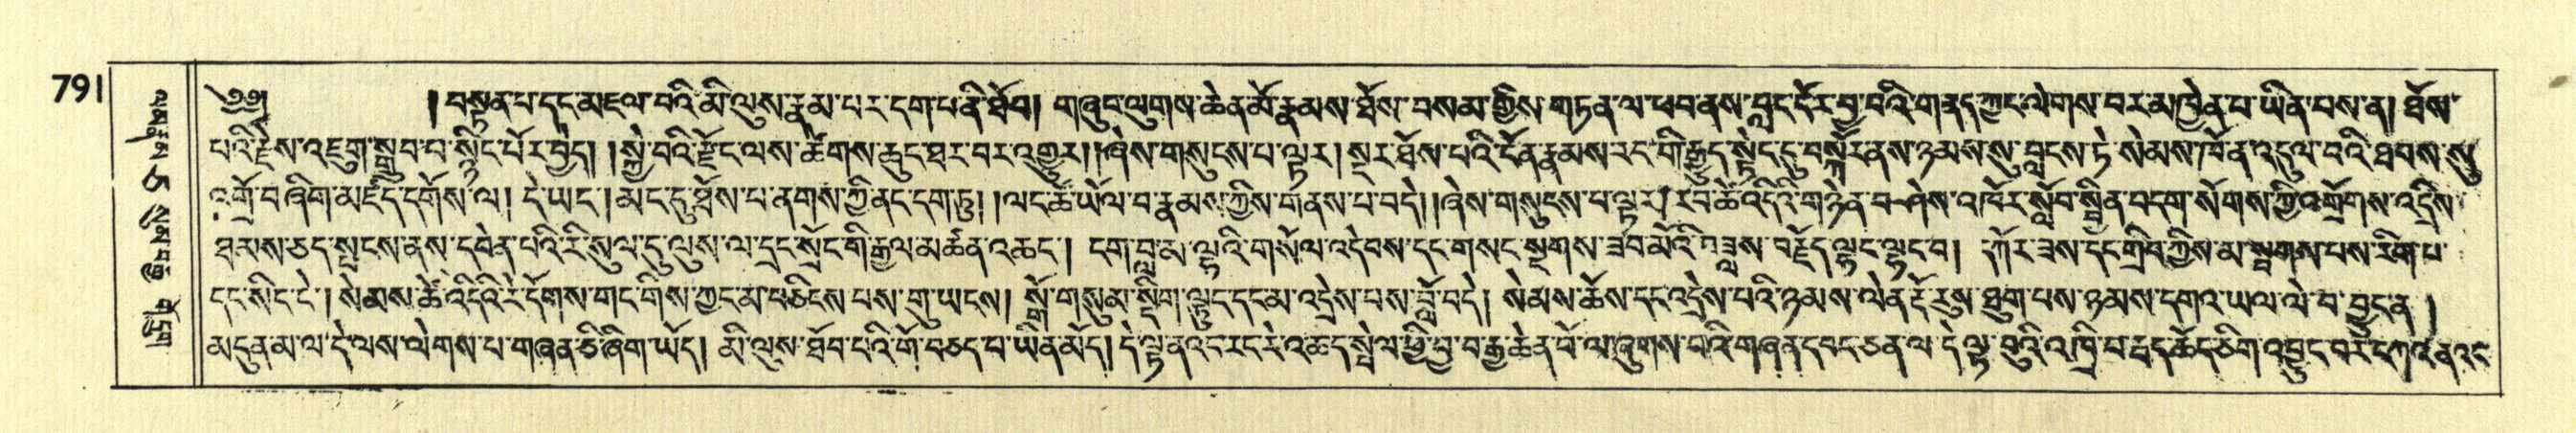༄༅། །བསྟན་པ་དང་མཇལ་བའི་མི་ལུས་རྣམ་པར་དག་པ་ནི་ཐོབ། གཞུབ་ལུགས་ཆེན་མོ་རྣམས་ཐོས་བསམ་གྱིས་གཏན་ལ་ཕབ་ནས་བླང་དོར་བྱ་བའི་གནད་ཀྱང་ལེགས་བར་མཁྱེན་པ་ཡིན་པས་ན། ཐོས་
པའི་རྗེས་འཇུག་སྒྲུབ་པ་སྙིང་པོར་བྱེད། །སྐྱེ་བའི་རྫོང་ལས་ཚེགས་ཆུང་ཐར་བར་འགྱུར། །ཞེས་གསུངས་པ་ལྟར། སྔར་ཐོས་པའི་དོན་རྣམས་རང་གི་རྒྱུད་སྟེང་དུ་བསྐོར་ནས་ཉམས་སུ་བླངས་ཏེ་སེམས་ཁོ་ན་འདུལ་བའི་ཐབས་སུ་
འགྲོ་བ་ཞིག་མཛད་དགོས་ལ། དེ་ཡང་། མང་དུ་ཐོས་པ་ནགས་ཀྱི་ནང་དག་ཏུ། །ལང་ཚོ་ཡོལ་བ་རྣམས་ཀྱིས་གནས་པ་བདེ། །ཞེས་གསུངས་པ་ལྟར། རབ་ཚེ་འདིའི་གཉེན་བཤེས་འཁོར་སློབ་སྦྱིན་བདག་སོགས་ཀྱི་འགྲོགས་འདྲིས་
ཐམས་ཅད་སྤངས་ནས་དབེན་པའི་རི་སུལ་དུ་ལུས་ལ་དྲང་སྲོང་གི་རྒྱལ་མཚན་འཆང་། ངག་བླ་མ་ལྷའི་གསོལ་འདེབས་དང་གསང་སྔགས་ཟབ་མོའི་བཟླས་བརྗོད་ལྷང་ལྷང་བ། དཀོར་ཟས་དང་གྲིབ་ཀྱིས་མ་སྦགས་པས་རིག་པ་
དང་སིང་ངེ། སེམས་ཚེ་འདིའི་རེ་དོགས་གང་གིས་ཀྱང་མ་བཅིངས་པས་གུ་ཡངས། སྒོ་གསུམ་སྡིག་ལྟུང་དང་མ་འདྲེས་པས་བློ་བདེ། སེམས་ཆོས་དང་འདྲེས་པའི་ཉམས་ལེན་རྡོ་རུས་ཐུག་པས་ཉམས་དགའ་ཡལ་ལེ་བ་བྱུང་ན།
མདུན་མ་ལ་དེ་ལས་ལེགས་པ་གཞན་ཅི་ཞིག་ཡོད། མི་ལུས་ཐོབ་པའི་གོ་བཅད་པ་ཡིན་མོད། དེ་ལྟ་ནའང་རང་རེ་འཆད་སྤེལ་ཕྱི་བྱ་བ་རྒྱ་ཆེན་པོ་ལ་ཞུགས་པའི་གཞན་དབང་ཅན་ལ་དེ་ལྟ་བུའི་འཁྲི་པ་རྦད་ཆོད་ཅིག་འབྱུང་བར་དཀའ་ནའང་